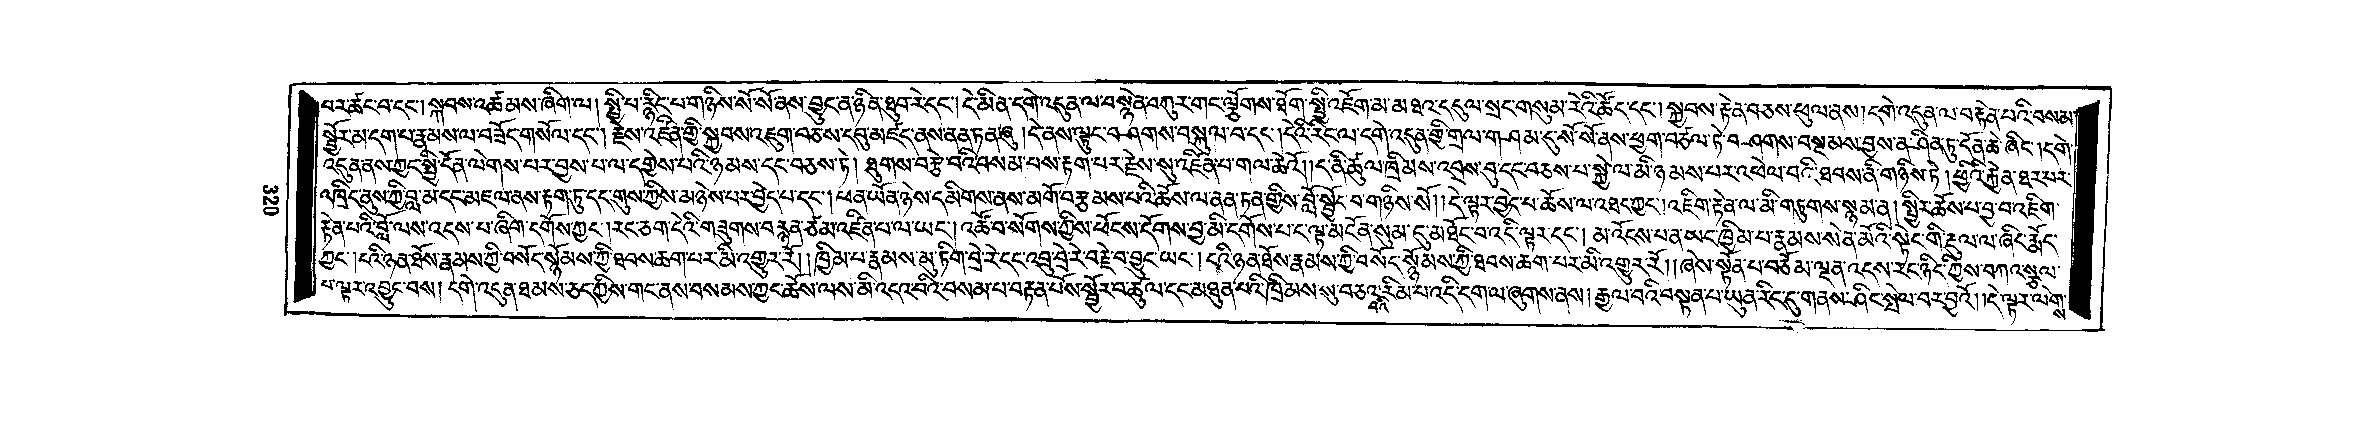པར་ཚང་བ་དང་། སྐབས་འཚམས་ཞིག་ལ། སྤྱི་པ་རྙིང་པ་གཉིས་སོ་སོ་ནས་བྱུང་ན་ཉིན་ཐུབ་རེ་དང་། དེ་མིན་དགེ་འདུན་ལ་བསྙེན་བཀུར་གང་ལྕོགས་ཐོག་སྤྱི་འཇོག་མ་མཐའ་དངུལ་སྲང་གསུམ་རེའི་ཚོད་དང་། སྐྱབས་རྟེན་བཅས་ཕུལ་ནས། དགེ་འདུན་ལ་བརྟེན་པའི་བསམ་
སྦྱོར་མ་དག་པ་རྣམས་ལ་བཟོད་གསོལ་དང་། རྗེས་འཛིན་གྱི་སྐྱབས་འཇུག་བཅས་དབུ་མཛད་ནན་ཏན་ཞུ། དེ་ནས་ལྟུང་བཤགས་བསྐུལ་བ་དང་། དེའི་རིང་ལ་དགེ་འདུན་གྱི་གྲལ་གཤམ་དུ་སོ་སོ་ནས་ཕྱག་བཙལ་ཏེ་བཤགས་བསྡམས་བྱས་ན་ཤིན་ཏུ་དོན་ཆེ་ཞིང་། དགེ་
འདུན་ནས་ཀྱང་སྤྱི་དོན་ལེགས་པར་བྱས་པ་ལ་དགྱེས་པའི་ཉམས་དང་བཅས་ཏེ། ཐུགས་བརྩེ་བའི་བསམ་པས་རྟག་པར་རྗེས་སུ་འཛིན་པ་གལ་ཆེའོ། །ད་ནི་ཚུལ་ཁྲིམས་འབྲས་བུ་དང་བཅས་པ་སྐྱེ་ལ་མི་ཉམས་པར་འཕེལ་བའི་ཐབས་ནི་གཉིས་ཏེ། ཕྱིའི་རྐྱེན་ཐར་པར་
འཁྲིད་ནུས་ཀྱི་བླ་མ་དང་མཇལ་ནས་རྟག་ཏུ་དད་གུས་ཀྱིས་མཉེས་པར་བྱེད་པ་དང་། ཕན་ཡོན་ཉེས་དམིགས་ནས་མགོ་བརྩམས་པའི་ཆོས་ལ་ནན་ཏན་གྱིས་བློ་སྦྱོང་བ་གཉིས་སོ། །དེ་ལྟར་བྱེད་པ་ཆོས་ལ་འཐད་ཀྱང་། འཇིག་རྟེན་ལ་མི་གཏུགས་སྙམ་ན། སྤྱིར་ཆོས་པ་བྱ་བ་འཇིག་
རྟེན་པའི་བློ་ལས་འདས་པ་ཞིག་དགོས་ཀྱང་། རང་ཅག་དེའི་གཟུགས་བརྙན་ཙམ་འཛིན་པ་ལ་ཡང་། འཚོ་བ་སོགས་ཀྱིས་ཕོངས་དོགས་བྱ་མི་དགོས་པ་ད་ལྟ་མངོན་སུམ་དུ་མཐོང་བ་འདི་ལྟར་དང་། མ་འོངས་པ་ན་ཡང་ཁྱིམ་པ་རྣམས་སེན་མོའི་སྟེང་གི་རྔུལ་ལ་ཞིང་རྨོད་
ཀྱང་། ངའི་ཉན་ཐོས་རྣམས་ཀྱི་བསོད་སྙོམས་ཀྱི་ཐབས་ཆག་པར་མི་འགྱུར་རོ། །ཁྱིམ་པ་རྣམས་མུ་ཏིག་བྲེ་རེ་དང་འབྲུ་བྲེ་རེ་བརྗེ་བ་བྱུང་ཡང་། ངའི་ཉན་ཐོས་རྣམས་ཀྱི་བསོད་སྙོམས་ཀྱི་ཐབས་ཆག་པར་མི་འགྱུར་རོ། །ཞེས་སྟོན་པ་བཅོམ་ལྡན་འདས་རང་ཉིད་ཀྱིས་བཀའ་སྩལ་
པ་ལྟར་འབྱུང་བས། དགེ་འདུན་ཐམས་ཅད་ཀྱིས་གང་ནས་བསམས་ཀྱང་ཆོས་ལས་མི་འདའ་བའི་བསམ་པ་བརྟན་པོས་སྦྱོར་བ་ཚུལ་དང་མཐུན་པའི་ཁྲིམས་སུ་བཅའ་བའི་རིམ་པ་འདི་དག་ལ་ཞུགས་ནས། རྒྱལ་བའི་བསྟན་པ་ཡུན་རིང་དུ་གནས་ཤིང་སྤེལ་བར་བྱའོ། །དེ་ལྟར་ལེགས་